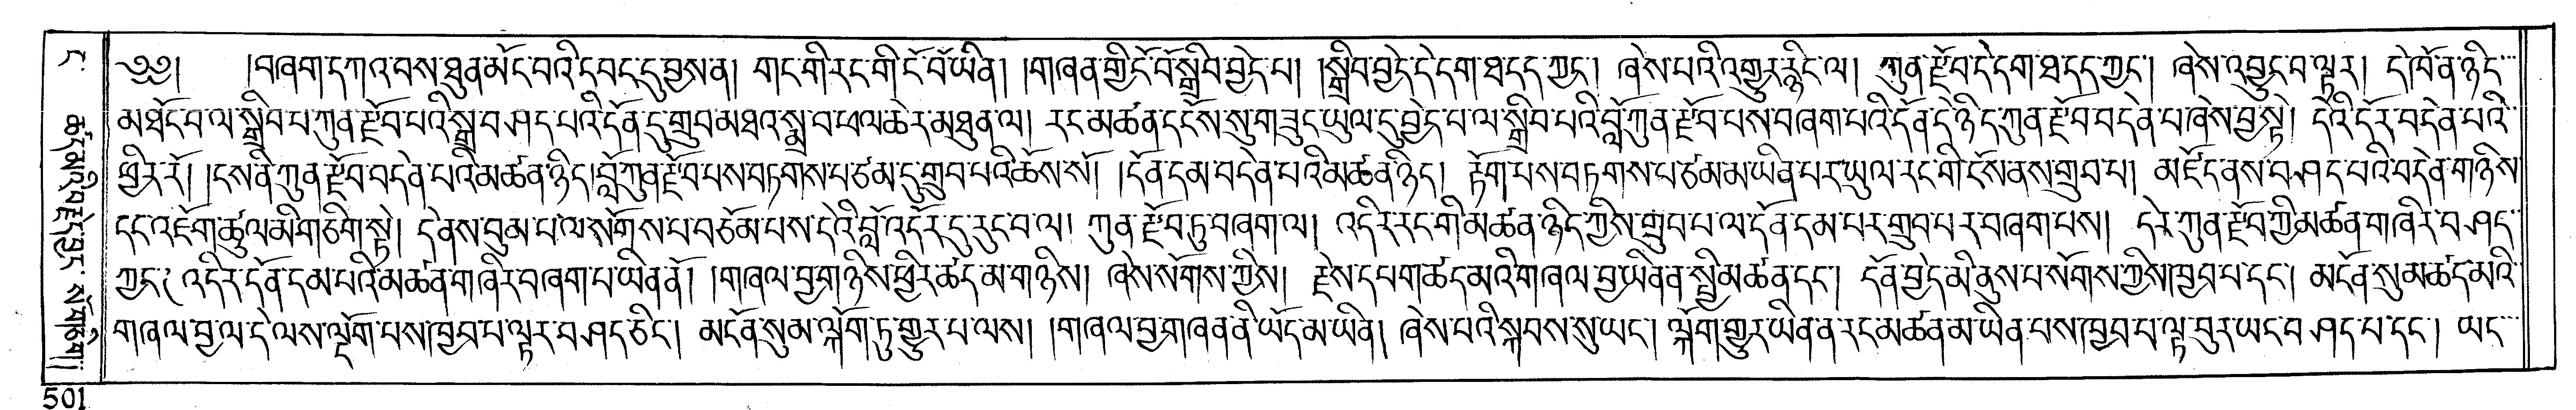༄༅། །བཞག་དཀའ་བས་ཐུན་མོང་བའི་དབང་དུ་བྱས་ན། གང་གི་རང་གི་ངོ་བོ་ཡིན། །གཞན་གྱི་ངོ་བོ་སྒྲིབ་བྱེད་པ། །སྒྲིབ་བྱེད་དེ་དག་ཐ་དད་ཀྱང་། ཞེས་པའི་འགྱུར་རྙིང་ལ། ཀུན་རྫོབ་དེ་དག་ཐ་དད་ཀྱང་། ཞེས་འབྱུང་བ་ལྟར། དེ་ཁོ་ན་ཉིད་
མཐོང་བ་ལ་སྒྲིབ་པ་ཀུན་རྫོབ་པའི་སྒྲ་བཤད་པའི་དོན་དུ་གྲུབ་མཐའ་སྨྲ་བ་ཕལ་ཆེར་མཐུན་ལ། རང་མཚན་དངོས་སུ་གཟུང་ཡུལ་དུ་བྱེད་པ་ལ་སྒྲིབ་པའི་བློ་ཀུན་རྫོབ་པས་བཞག་པའི་དོན་དེ་ཉིད་ཀུན་རྫོབ་བདེན་པ་ཞེས་བྱ་སྟེ། དེའི་ངོར་བདེན་པའི་
ཕྱིར་རོ། །ངེས་ན་ཀུན་རྫོབ་བདེན་པའི་མཚན་ཉིད་།བློ་ཀུན་རྫོབ་པས་བཏགས་པ་ཙམ་དུ་གྲུབ་པའི་ཆོས་སོ། །དོན་དམ་བདེན་པའི་མཚན་ཉིད། རྟོག་པས་བཏགས་པ་ཙམ་མ་ཡིན་པར་ཡུལ་རང་གི་ངོས་ནས་གྲུབ་པ། མཛོད་ནས་བཤད་པའི་བདེན་གཉིས་
དང་འཇོག་ཚུལ་མི་གཅིག་སྟེ། དེ་ནས་བུམ་པ་ལ་སོགས་པ་བཅོམ་པས་དེའི་བློ་འདོར་དུ་རུང་བ་ལ། ཀུན་རྫོབ་ཏུ་བཞག་ལ། འདིར་རང་གི་མཚན་ཉིད་ཀྱིས་གྲུབ་པ་ལ་དོན་དམ་པར་གྲུབ་པར་བཞག་པས། དེར་ཀུན་རྫོབ་ཀྱི་མཚན་གཞིར་བཤད་
ཀྱང༑ འདིར་དོན་དམ་པའི་མཚན་གཞིར་བཞག་པ་ཡིན་ནོ། །གཞལ་བྱ་གཉིས་ཕྱིར་ཚད་མ་གཉིས། ཞེས་སོགས་ཀྱིས། རྗེས་དཔག་ཚད་མའི་གཞལ་བྱ་ཡིན་ན་སྤྱི་མཚན་དང་། དོན་བྱེད་མི་ནུས་པ་སོགས་ཀྱིས་ཁྱབ་པ་དང་། མངོན་སུམ་ཚད་མའི་
གཞལ་བྱ་ལ་དེ་ལས་ལྡོག་པས་ཁྱབ་པ་ལྟར་བཤད་ཅིང་། མངོན་སུམ་ལྐོག་ཏུ་གྱུར་པ་ལས། །གཞལ་བྱ་གཞན་ནི་ཡོད་མ་ཡིན། ཞེས་པའི་སྐབས་སུ་ཡང་། ལྐོག་གྱུར་ཡིན་ན་རང་མཚན་མ་ཡིན་པས་ཁྱབ་པ་ལྟ་བུར་ཡང་བཤད་པ་དང་། ཡང་